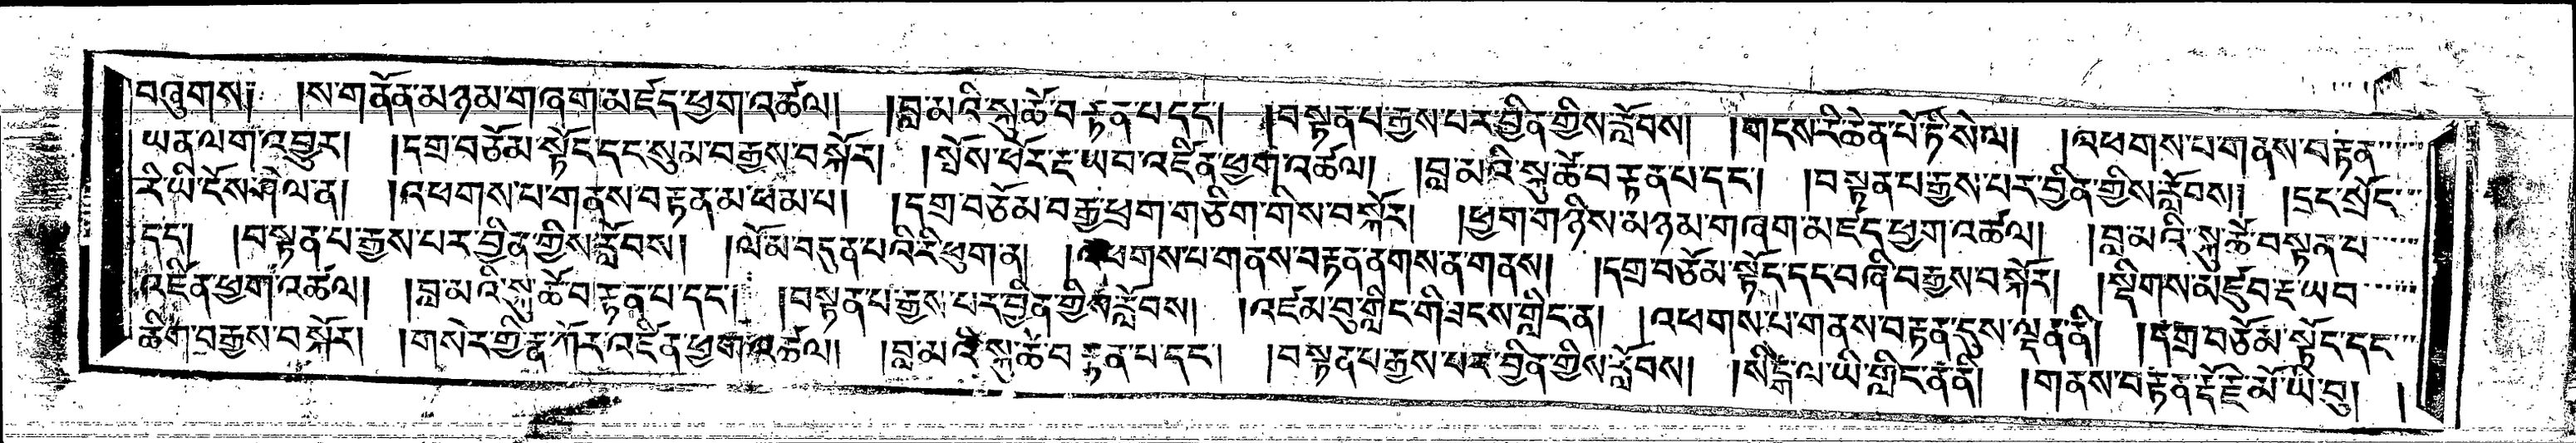བཞུགས༑ །ས་གནོན་མཉམ་གཞག་མཛད་ཕྱག་འཚལ། །བླ་མའི་སྐུ་ཚེ་བརྟན་པ་དང་། །བསྟན་པ་རྒྱས་པར་བྱིན་གྱིས་རློབས། །གངས་རི་ཆེན་པོ་ཏི་སེ་ལ། །འཕགས་པ་གནས་བརྟན་
ཡན་ལག་འབྱུར། །དགྲ་བཅོམ་སྟོང་དང་སུམ་བརྒྱས་བསྐོར། །སྤོས་ཕོར་རྔ་ཡབ་འཛིན་ཕྱག་འཚལ། །བླ་མའི་སྐུ་ཚེ་བརྟན་པ་དང་། །བསྟན་པ་རྒྱས་པར་བྱིན་གྱིས་རློབས། །དྲང་སྲོང་
རི་ཡི་ངོས་ཤེལ་ན། །འཕགས་པ་གནས་བརྟན་མ་ཕམ་པ། །དགྲ་བཅོམ་བརྒྱ་ཕྲག་གཅིག་གིས་བསྐོར། །ཕྱག་གཉིས་མཉམ་གཞག་མཛད་ཕྱག་འཚལ། །བླ་མའི་སྐུ་ཚེ་བསྟན་པ་
དང་། །བསྟན་པ་རྒྱས་པར་བྱིན་གྱིས་རློབས། །ལོ་མ་བདུན་པའི་རི་ཕུག་ན། །འཕགས་པ་གནས་བརྟེན་ནགས་ན་གནས། །དགྲ་བཅོམ་སྟོང་དང་བཞི་བརྒྱས་བསྐོར། །སྡིགས་མཛུབ་རྔ་ཡབ་
འཛིན་ཕྱག་འཚལ། །བླ་མའི་སྐུ་ཚེ་བརྟན་པ་དང་། །བསྟན་པ་རྒྱས་པར་བྱིན་གྱིས་རློབས། །འཛམ་བུ་གླིང་གི་ཟངས་གླིང་ན། །འཕགས་པ་གནས་བརྟན་དུས་ལྡན་ནི། །དགྲ་བཅོམ་སྟོང་དང་
ཆིག་བརྒྱས་བསྐོར། །གསེར་གྱི་རྣ་ཀོར་འཛིན་ཕྱག་འཚལ། །བླ་མའི་སྐུ་ཚེ་བརྟན་པ་དང་། །བསྟན་པ་རྒྱས་པར་བྱིན་གྱིས་རློབས། །སིངྒ་ལ་ཡི་གླིང་ན་ནི། །གནས་བརྟན་རྡོ་རྗེ་མོ་ཡི་བུ། །